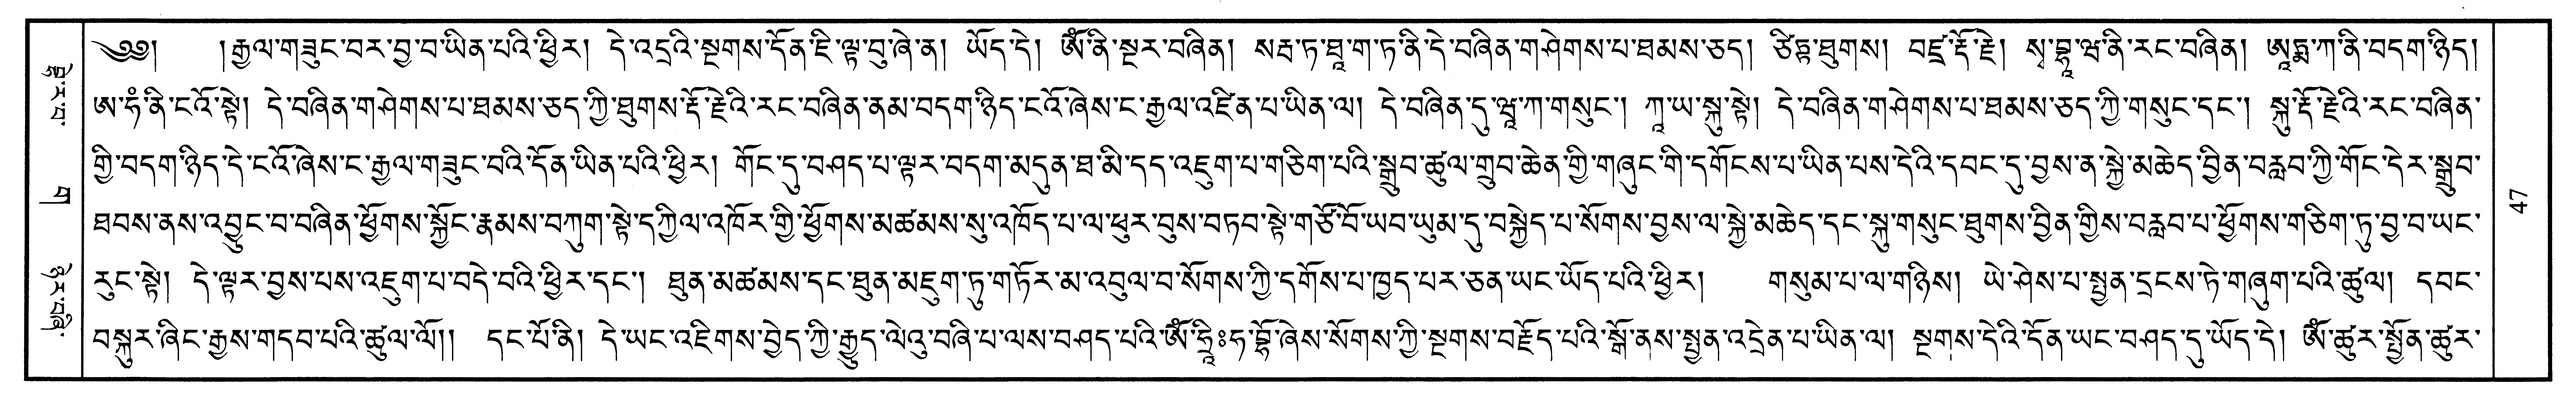༄༅། །རྒྱལ་གཟུང་བར་བྱ་བ་ཡིན་པའི་ཕྱིར། དེ་འདྲའི་སྔགས་དོན་ཇི་ལྟ་བུ་ཞེ་ན། ཡོད་དེ། ཨོཾ་ནི་སྔར་བཞིན། སརྦ་ཏ་ཐཱ་ག་ཏ་ནི་དེ་བཞིན་གཤེགས་པ་ཐམས་ཅད། ཙིཏྟ་ཐུགས། བཛྲ་རྡོ་རྗེ། སྭ་བྷཱ་ཝ་ནི་རང་བཞིན། ཨཱཏྨ་ཀ་ནི་བདག་ཉིད།
ཨ་ཧཾ་ནི་ངའོ་སྟེ། དེ་བཞིན་གཤེགས་པ་ཐམས་ཅད་ཀྱི་ཐུགས་རྡོ་རྗེའི་རང་བཞིན་ནམ་བདག་ཉིད་ངའོ་ཞེས་ང་རྒྱལ་འཛིན་པ་ཡིན་ལ། དེ་བཞིན་དུ་ཝཱ་ཀ་གསུང་། ཀཱ་ཡ་སྐུ་སྟེ། དེ་བཞིན་གཤེགས་པ་ཐམས་ཅད་ཀྱི་གསུང་དང་། སྐུ་རྡོ་རྗེའི་རང་བཞིན་
གྱི་བདག་ཉིད་དེ་ངའོ་ཞེས་ང་རྒྱལ་གཟུང་བའི་དོན་ཡིན་པའི་ཕྱིར། གོང་དུ་བཤད་པ་ལྟར་བདག་མདུན་ཐ་མི་དད་འཇུག་པ་གཅིག་པའི་སྒྲུབ་ཚུལ་གྲུབ་ཆེན་གྱི་གཞུང་གི་དགོངས་པ་ཡིན་པས་དེའི་དབང་དུ་བྱས་ནས་སྐྱེ་མཆེད་བྱིན་བརླབ་ཀྱི་གོང་དེར་སྒྲུབ་
ཐབས་ནས་འབྱུང་བ་བཞིན་ཕྱོགས་སྐྱོང་རྣམས་བཀུག་སྟེ་དཀྱིལ་འཁོར་གྱི་ཕྱོགས་མཚམས་སུ་འཁོད་པ་ལ་ཕུར་བུས་བཏབ་སྟེ་གཙོ་བོ་ཡབ་ཡུམ་དུ་བསྐྱེད་པ་སོགས་བྱས་ལ་སྐྱེ་མཆེད་དང་སྐུ་གསུང་ཐུགས་བྱིན་གྱིས་བརླབ་པ་ཕྱོགས་གཅིག་ཏུ་བྱ་བ་ཡང་
རུང་སྟེ། དེ་ལྟར་བྱས་པས་འཇུག་པ་བདེ་བའི་ཕྱིར་དང་། ཐུན་མཚམས་དང་ཐུན་མཇུག་ཏུ་གཏོར་མ་འབུལ་བ་སོགས་ཀྱི་དགོས་པ་ཁྱད་པར་ཅན་ཡང་ཡོད་པའི་ཕྱིར། གསུམ་པ་ལ་གཉིས། ཡེ་ཤེས་པ་སྤྱན་དྲངས་ཏེ་གཞུག་པའི་ཚུལ། དབང་
བསྐུར་ཞིང་རྒྱས་གདབ་པའི་ཚུལ་ལོ།། དང་པོ་ནི། དེ་ཡང་འཇིགས་བྱེད་ཀྱི་རྒྱུད་ལེའུ་བཞི་པ་ལས་བཤད་པའི་ཨོཾ་ཧྲཱིཿ ཧ་བྷོ་ཞེས་སོགས་ཀྱི་སྔགས་བརྗོད་པའི་སྒོ་ནས་སྤྱན་འདྲེན་པ་ཡིན་ལ། སྔགས་དེའི་དོན་ཡང་བཤད་དུ་ཡོད་དེ། ཨོཾ་ཚུར་སྤྱོན་ཚུར་